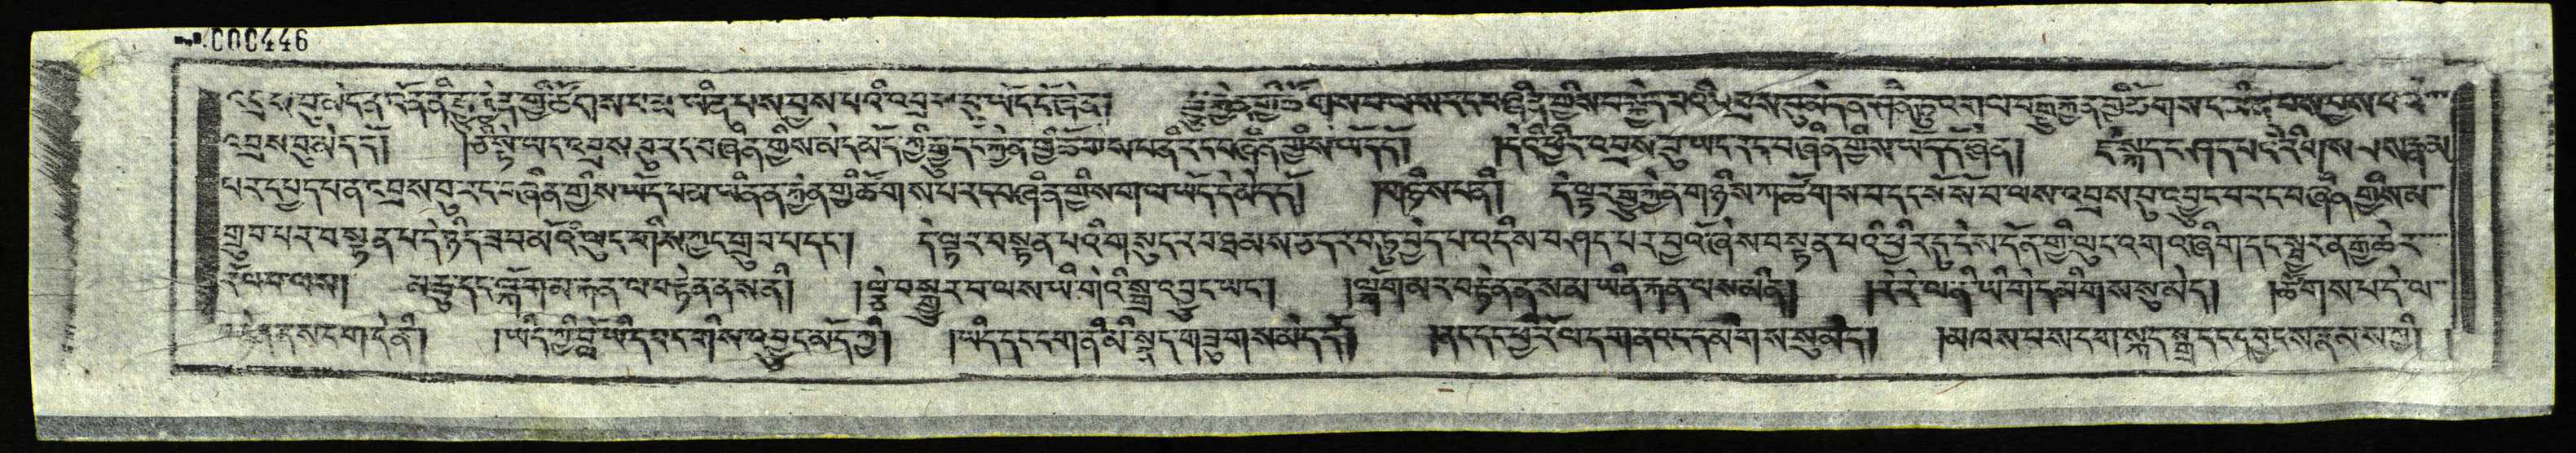འབྲས་བུ་མེད་ན་འོན་ནི་རྒྱུ་རྐྱེན་གྱི་ཚོགས་པ་མ་ཡིན་པས་བྱས་པའི་འབྲས་བུ་ཡོད་དོ་ཞེ་ན། རྒྱུ་རྐྱེན་གྱི་ཚོགས་པ་ལས་རང་བཞིན་གྱིས་བསྐྱེད་པའི་འབྲས་བུ་མེད་ན་ཤིན་ཏུ་འགལ་བ་རྒྱུ་རྐྱེན་གྱི་ཚོགས་པ་མིན་པས་བྱས་པའི་
འབྲས་བུ་མེད་དོ། །ཅི་སྟེ་ཡང་འབྲས་བུ་རང་བཞིན་གྱིས་མེད་མོད་ཀྱི་རྒྱུ་དང་རྐྱེན་གྱི་ཚོགས་པ་ནི་རང་བཞིན་གྱིས་ཡོད་དོ། །དེའི་ཕྱིར་འབྲས་བུ་ཡང་རང་བཞིན་གྱིས་ཡོད་དོ་ཞེ་ན། ཇི་སྐད་བཤད་པའི་རིགས་པས་རྣམ་
པར་དཔྱད་པ་ན་འབྲས་བུ་རང་བཞིན་གྱིས་ཡོད་པ་མ་ཡིན་ན་རྐྱེན་གྱི་ཚོགས་པ་རང་བཞིན་གྱིས་ག་ལ་ཡོད་དེ་མེད་དོ། །གཉིས་པ་ནི། དེ་ལྟར་རྒྱུ་རྐྱེན་གཉིས་ཀ་ཚོགས་པ་དང་སོ་སོ་བ་ལས་འབྲས་བུ་འབྱུང་བ་རང་བཞིན་གྱིས་མ་
གྲུབ་པར་བསྟན་པ་དེ་ཉིད་ཟབ་མོའི་ལུང་གིས་ཀྱང་གྲུབ་པ་དང་། དེ་ལྟར་བསྟན་པའི་གསུང་རབ་ཐམས་ཅད་རབ་ཏུ་བྱེད་པ་འདིས་བཤད་པར་བྱའོ་ཞེས་བསྟན་པའི་ཕྱིར་དུ་ངེས་དོན་གྱི་ལུང་འགའ་ཞིག་དང་སྦྱར་ན་རྒྱ་ཆེར་
རོལ་པ་ལས། མཆུ་དང་ལྐོག་མ་རྐན་ལ་བརྟེན་ནས་ནི། །ལྕེ་བསྒྱུར་བ་ལས་ཡི་གེའི་སྒྲ་འབྱུང་ཡང་། །ལྐོག་མར་བརྟེན་ནས་མ་ཡིན་རྐང་ལས་མིན། །རེ་རེ་ལ་ནི་ཡི་གེ་དམིགས་སུ་མེད། །ཚོགས་པ་དེ་ལ་
བརྟེན་ནས་དག་དེ་ནི། །ཡིད་ཀྱི་བློ་ཡི་དབང་གིས་འབྱུང་མོད་ཀྱི། །ཡིད་དང་ངག་ནི་མི་སྣང་གཟུགས་མེད་དོ། །ནང་དང་ཕྱི་རོལ་དག་ནའང་དམིགས་སུ་མེད། །མཁས་པས་དག་སྐད་སྒྲ་དང་དབྱངས་རྣམས་ཀྱི། །